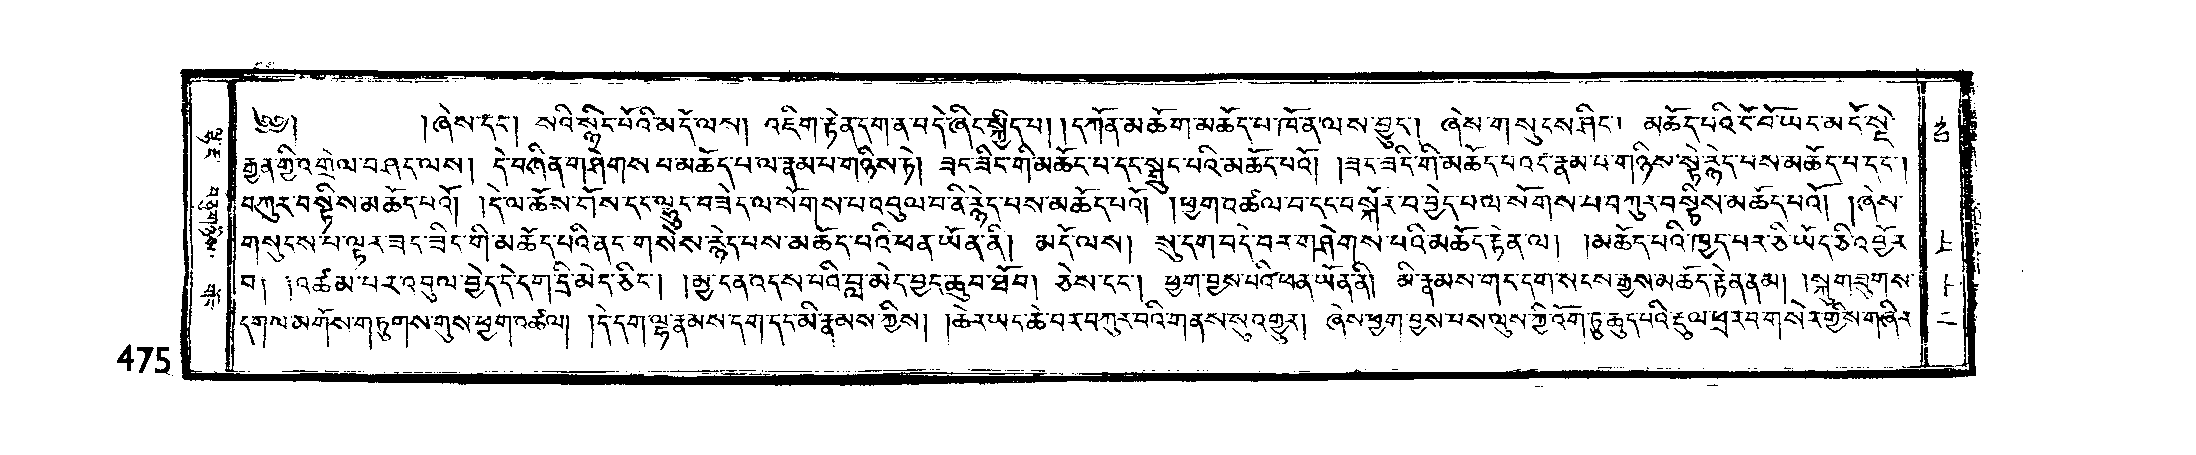༄༅། །ཞེས་དང་། སའི་སྙིང་པོའི་མདོ་ལས། འཇིག་རྟེན་དག་ན་བདེ་ཞིང་སྐྱིད་པ། །དཀོན་མཆོག་མཆོད་པ་ཁོ་ན་ལས་བྱུང་། ཞེས་གསུངས་ཤིང་། མཆོད་པའི་ངོ་བོ་ཡང་མདོ་སྡེ་
རྒྱན་གྱི་འགྲེལ་བཤད་ལས། དེ་བཞིན་གཤེགས་པ་མཆོད་པ་ལ་རྣམ་པ་གཉིས་ཏེ། ཟང་ཟིང་གི་མཆོད་པ་དང་སྒྲུང་པའི་མཆོད་པའོ། །ཟང་ཟིང་གི་མཆོད་པའང་རྣམ་པ་གཉིས་སྟེ་རྙེད་པས་མཆོད་པ་དང་།
བཀུར་བསྟིས་མཆོད་པའོ། །དེ་ལ་ཆོས་གོས་དང་ལྷུང་བཟེད་ལ་སོགས་པ་འབུལ་བ་ནི་རྙེད་པས་མཆོད་པའོ། །ཕྱག་འཚལ་བ་དང་བསྐོར་བ་བྱེད་པ་ལ་སོགས་པ་བཀུར་བསྟིས་མཆོད་པའོ། །ཞེས་
གསུངས་པ་ལྟར་ཟང་ཟིང་གི་མཆོད་པའི་ནང་གསེས་རྙེད་པས་མཆོད་པའི་ཕན་ཡོན་ནི། མདོ་ལས། སུ་དག་བདེ་བར་གཤེགས་པའི་མཆོད་རྟེན་ལ། །མཆོད་པའི་ཁྱད་པར་ཅི་ཡོད་ཅི་འབྱོར་
བ། །འཚམ་པར་འབུལ་བྱེད་དེ་དག་དྲི་མེད་ཅིང་། །མྱ་ངན་འདས་པའི་བླ་མེད་བྱང་ཆུབ་ཐོབ། ཅེས་དང་། ཕྱག་བྱས་པའི་ཕན་ཡོན་ནི། མི་རྣམས་གང་དག་སངས་རྒྱས་མཆོད་རྟེན་ནམ། །སྐུ་གཟུགས་
དག་ལ་མགོས་གཏུགས་གུས་ཕྱག་འཚལ། །དེ་དག་ལྷ་རྣམས་དག་དང་མི་རྣམས་ཀྱིས། །ཆེར་ཡང་ཆེ་བར་བཀུར་བའི་གནས་སུ་འགྱུར། ཞེས་ཕྱག་བྱས་པས་ལུས་ཀྱི་འོག་ཏུ་ཆུད་པའི་རྡུལ་ཕྲ་རབ་གསེར་གྱིས་གཞིར་